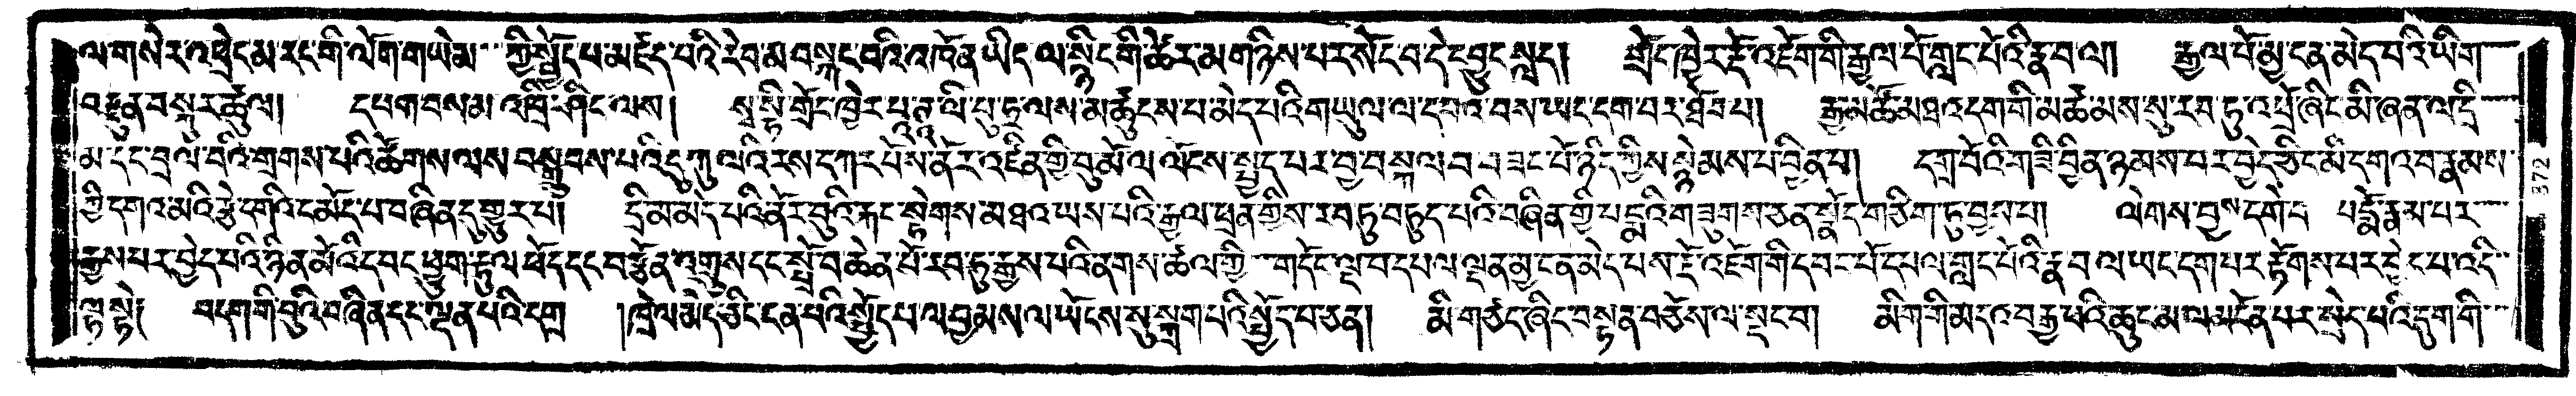ལ་གསེར་འཕྲེང་མ་རང་གི་ལོག་གཡེམ་ཀྱི་སྤྱོད་པ་མཛད་པའི་རེབ་མ་བསྐང་བའི་འཁོར་ཡིད་ལ་སྙིང་གི་ཚེར་མ་གཉིས་པར་སོང་བ་དེ་དབྱུང་སླད། གྲོང་ཁྱེར་རྡོ་འཇོག་གི་རྒྱལ་པོ་གླང་པོའི་རྣ་བ་ལ། རྒྱལ་པོ་མྱ་ངན་མེད་པའི་ཡིག་
བརྡུན་བསྐུར་ཚུལ། དཔག་བསམ་འཁྲི་ཤིང་ལས། སྭ་སྟི་གྲོང་ཁྱེར་པཱ་ཊཱ་ལི་པུ་ཏྲ་ལས་མཚུངས་པ་མེད་པའི་གཡུལ་ལ་དཔའ་བས་ཡང་དག་པར་ཐོབ་པ། རྒྱ་མཚོ་མཐའ་དག་གི་མཚམས་སུ་རབ་ཏུ་འཕྲོ་ཞིང་མི་ཞན་ལ་དྲི་
མ་དང་བྲལ་བའི་གྲགས་པའི་ཚོགས་ལས་བསྒྲུབས་པའི་དུ་ཀུ་ལའི་རས་དཀར་པོས་ནོར་འཛིན་གྱི་བུ་མོ་ལ་ལོངས་སྦྱད་པར་བྱ་བསྐལ་བ་བཟང་པོ་ཉིད་ཀྱིས་སྙེམས་པ་བྱིན་པ། དགྲ་བོའི་གཟི་བྱིན་ཉམས་པར་བྱེད་ཅིང་མི་དགའ་བ་རྣམས་
ཀྱི་དགའ་མའི་རྩེ་དགའི་དམོད་པ་བཞིན་དུ་གྱུར་པ། དྲི་མ་མེད་པའི་ནོར་བུའི་རྐང་སྟེགས་མཐའ་ཡས་པའི་རྒྱལ་ཕྲན་གྱིས་རབ་ཏུ་བཏུད་པའི་བཞིན་གྱི་པདམའི་གཟུགས་ཅན་སྣོད་གཅིག་ཏུ་བྱས་པ། ལེགས་བྱས་དགེ། པདམོ་རྣམ་པར་
རྒྱས་པར་བྱེད་པའི་ཉིན་མོའི་དབང་ཕྱུག་རྟུལ་ཕོད་དང་བརྩོན་འགྲུས་དང་སྤོ་བ་ཆེན་པོ་རབ་ཏུ་རྒྱས་པའི་ནགས་ཚལ་གྱི་གདོང་ལྡ་བ་དཔལ་ལྡན་མྱ་ངན་མེད་པས་རྗོ་འཇོག་གི་དཔལ་གླང་པོའི་རྣམ་ལ་ཡང་དག་པར་རྟོགས་པར་བྱེད་པ་འདི་
ཅིང་ངན་པའི་སྤྱོད་པ་ལ་བྱམས་ལ་ཡོངས་སུ་སྐྲག་པའི་སྤྱོད་པ་ཅན། མི་གཙང་ཞིང་བསྟན་བཅོས་ལ་སྡང་བ། མིག་གི་དམའ་བརྒྱ་ཕའི་ཆུང་མ་ལ་མངོན་པར་སྲེད་པའི་འདུག་གི་